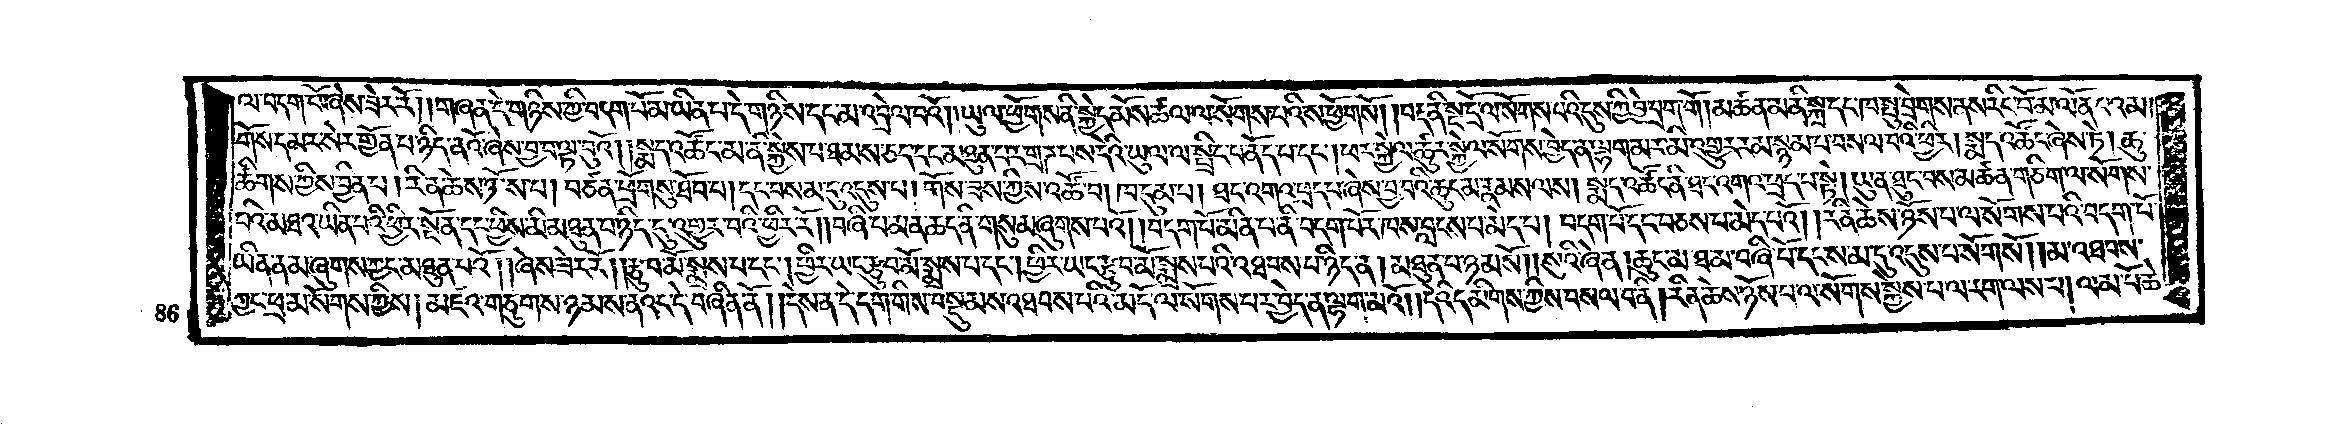ལ་བདག་པོ་ཞེས་ཟེར་རོ། །གཞན་དེ་གཉིས་ཀྱི་བདག་པོ་མ་ཡིན་པ་དེ་གཉིས་དང་མ་འབྲེལ་བའོ། །ཡུལ་ཕྱོགས་ནི་སྐྱེད་མོས་ཚལ་ལ་སོགས་པའི་ས་ཕྱོགས་སོ། །བརྡ་ནི་སྔ་དྲོ་ལ་སོགས་པའི་དུས་ཀྱི་བྱེ་བྲག་གོ །མཚན་མ་ནི་སྐྲ་དང་ཁ་སྤུ་བྲེགས་ནས་རིང་པོ་མ་ལོན་པའམ།
གོས་དམར་སེར་གྱོན་པ་ཉིད་ནའོ་ཞེས་བྱ་བ་ལྟ་བུའོ། །སྨད་འཚོང་མ་ནི་སྐྱེས་པ་ཐམས་ཅད་དང་མཐུན་པར་གྲགས་པས་དེའི་ཡུལ་ལ་སྤྲིང་པ་ནོད་པ་དང་། ཕར་སྐྱེལ་ཚུར་སྐྱེལ་སོགས་བྱེད་ན་ལྷག་མར་མི་འགྱུར་རམ་སྙམ་པ་བསལ་བའི་ཕྱིར། སྨད་འཚོང་ཞེས་ཏེ། ཆུ་
ཚིགས་ཀྱིས་བྱིན་པ། རིན་ཆེས་ཉོས་པ། བཙན་ཕྲོགས་སུ་ཐོབ་པ། དང་བསམ་དུ་འདུས་པ། གོས་ཟས་ཀྱིས་འཚོ་བ། ཁ་དུམ་པ། ཐང་འགའ་ཕྲད་པ་ཞེས་བྱ་བའི་ཆུང་མ་རྣམས་ལས། སྨད་འཚོད་ནི་ཐང་འགའ་ཕྲད་པ་སྟེ། ཡུན་ཐུང་བས་མཚན་གཅིག་ལ་སོགས་
པའི་མཐའ་ཡིན་པའི་ཕྱིར་སྔོན་དང་ཕྱིས་མི་མཐུན་པ་ཉིད་དུ་འགྱུར་བའི་ཕྱིར་རོ། །བཞི་པ་མན་ཆད་ནི་གསུམ་ཞུགས་པའོ། །བདག་པོ་མིན་པ་ནི་བདག་པོར་ཁས་བླངས་པ་མེད་པ། བདག་པོ་དང་བཅས་པ་མེད་པའོ། །རིན་ཆེས་ཉོས་པ་ལ་སོགས་པའི་བདག་པོ་
ཡིན་ན་མ་ཞུགས་ཀྱང་མཐུན་པའོ། །ཞེས་ཟེར་རོ། །རྩུབ་མོ་སྨྲས་པ་དང་། ཕྱིར་ཡང་རྩུབ་མོ་སྨྲས་པ་དང་། ཕྱིར་ཡང་རྩུབ་མོ་སྨྲས་པའི་འཐབས་པ་ཉིད་ན། མཐུན་པ་ཉམས་སོ། །སུའི་ཞེ་ན། ཆུང་མ་ཐ་མ་བཞི་པོ་དང་སམ་དུ་འདུས་པ་སོགས་སོ། །མ་འཐབས་
ཀྱང་ཕྲ་མ་སོགས་ཀྱིས། མཛའ་གཅུགས་ཉམས་ནའང་དེ་བཞིན་ནོ། །དེས་ན་དེ་དག་གིས་བསྡུམས་འཐབས་པའི་མདོ་ལ་སོགས་པར་བྱེད་ན་ལྷག་མའོ། །དེའི་དམིགས་ཀྱིས་བསལ་བ་ནི། རིན་ཆེས་ཉོས་པ་ལ་སོགས་སྐྱེས་པ་ལ་རག་ལས་པ། ལམ་པོ་ཆེ་